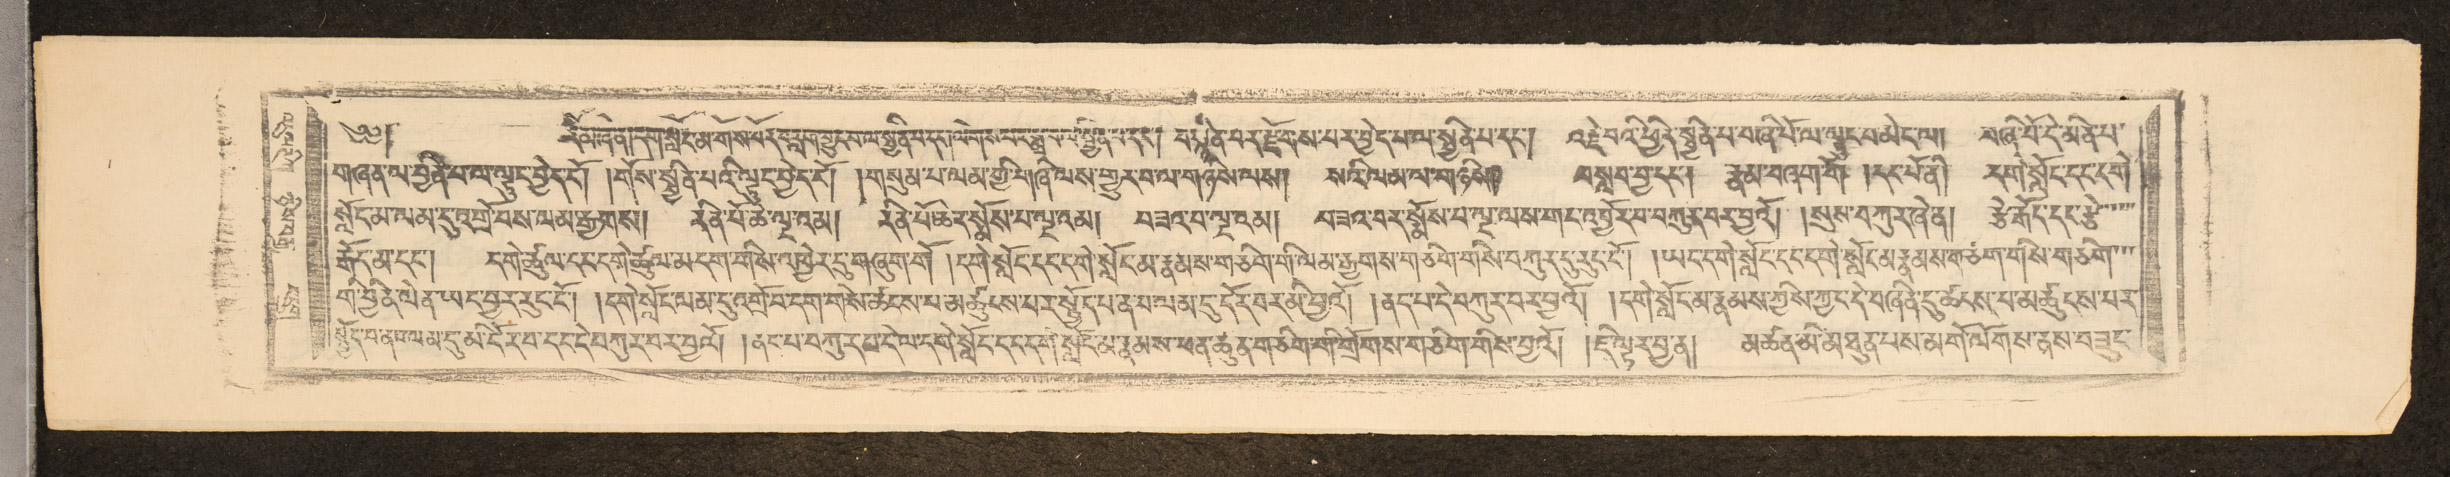༄༅། རམ་ཞེ་ན། དགེ་སློང་མ་གོས་བོར་བརླག་བྱུང་བ་ལ་སྦྱིན་པ་དང་། ལེགས་པར་སྨྲ་བ་ལ་སྦྱིན་པ་དང་། བསྙེན་པར་རྫོགས་པར་བྱེད་པ་ལ་སྦྱིན་པ་དང་། བརྗེ་བའི་ཕྱིར་སྦྱིན་པ་བཞི་པོ་ལ་ལྟུང་བ་མེད་ལ། བཞི་པོ་དེ་མིན་པ་
གཞན་ལ་བྱིན་པ་ལ་ལྟུང་བྱེད་དོ། །གོས་སྦྱིན་པའི་ལྟུང་བྱེད་དོ། །གསུམ་པ་ལམ་གྱི་གཞི་ལས་གྱུར་པ་ལ་གཉིས་ལས། སའི་ལམ་ལ་གཉིས། བསླབ་བྱ་དང་། རྣམ་བཞག་གོ །དང་པོ་ནི། དགེ་སློང་དང་དགེ་
སློང་མ་ལམ་དུ་འགྲོ་བས་ལམ་རྒྱགས། རིན་པོ་ཆེ་ལྔ་འམ། རིན་པོ་ཆེར་སྨོས་པ་ལྔའམ། བཟའ་བ་ལྔའམ། བཟའ་བར་སྨོས་པ་ལྔ་ལས་གང་འབྱོར་བ་བཀུར་བར་བྱའོ། །སུས་བཀུར་ཞེ་ན། རྩེ་རྒོད་དང་རྩེ་
རྒོད་མ་དང་། དགེ་ཚུལ་དང་དགེ་ཚུལ་མ་དག་གིས་འཁྱེར་དུ་གཞུག་གོ །དགེ་སློང་དང་དགེ་སློང་མ་རྣམས་གཅིག་གི་ལམ་རྒྱགས་གཅིག་གིས་བཀུར་དུ་རུང་ངོ། །ཡང་དགེ་སློང་དང་དགེ་སློང་མ་རྣམས་གཅིག་གིས་གཅིག་
གི་བྱིན་ལེན་ཡང་བྱར་རུང་ངོ། །དགེ་སློང་ལམ་དུ་འགྲོ་བ་དག་གིས་ཚངས་པ་མཚུངས་པར་སྤྱོད་པ་ན་བ་ལམ་དུ་དོར་བར་མི་བྱའོ། །ནད་པ་དེ་བཀུར་བར་བྱའོ། །དགེ་སློང་མ་རྣམས་ཀྱིས་ཀྱང་དེ་བཞིན་དུ་ཚངས་པ་མཚུངས་པར་
སྦྱོང་བ་ན་བ་ལམ་དུ་མི་དོར་བ་དང་དེ་བཀུར་བར་བྱའོ། །ནང་པ་བཀུར་བ་དེ་ལ་དགེ་སློང་དང་དགེ་སློང་མ་རྣམས་ཕན་ཚུན་གཅིག་གི་གྲོགས་གཅིག་གིས་བྱའོ། །ཇི་ལྟར་བྱ་ན། མཚན་མི་མཐུན་པས་མགོ་ལོགས་ནས་བཟུང་